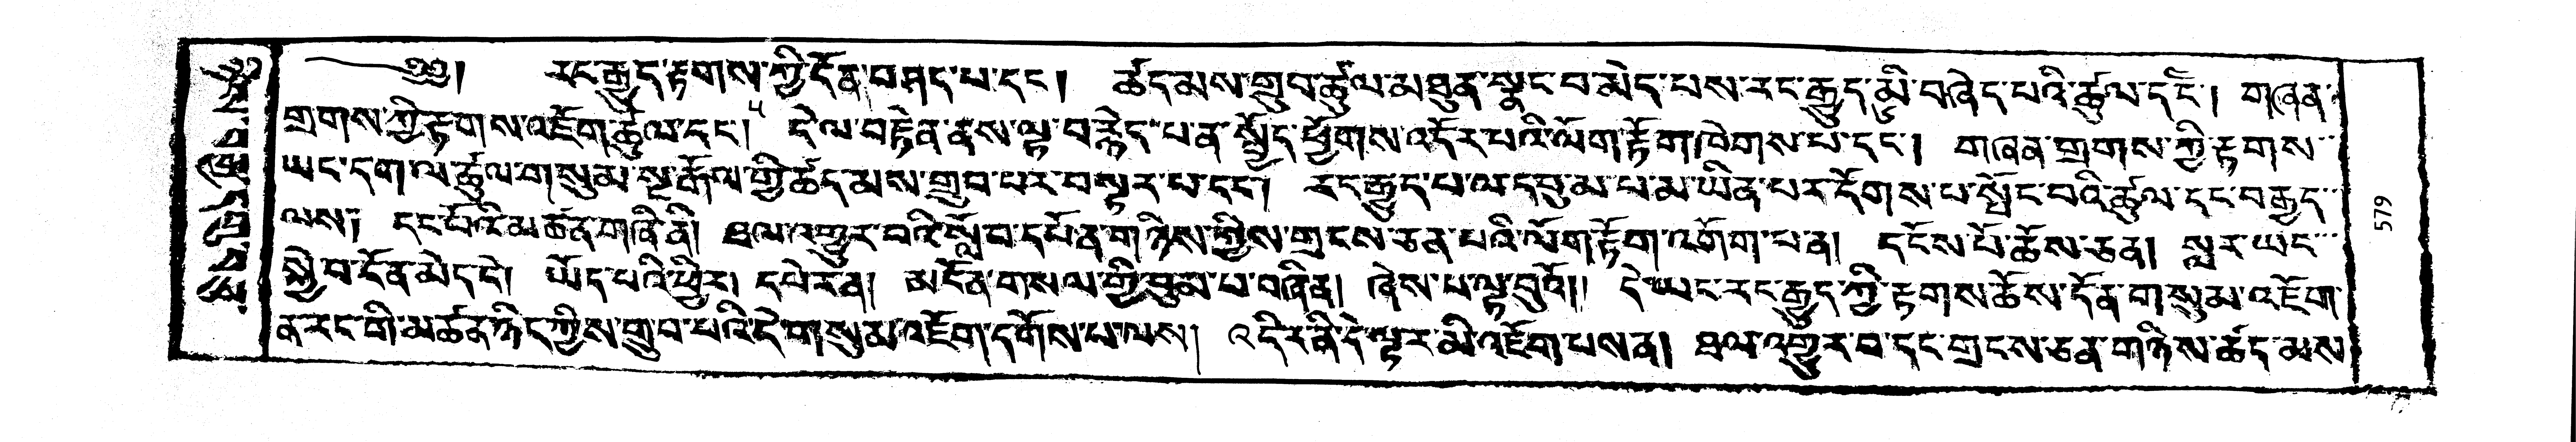༄༅། །རང་རྒྱུད་རྟགས་ཀྱི་དོན་བཤད་པ་དང་། ཚད་མས་གྲུབ་ཚུལ་མཐུན་སྣང་བ་མེད་པས་རང་རྒྱུད་མི་བཞེད་པའི་ཚུལ་དང་། གཞན་
གྲགས་ཀྱི་རྟགས་འཇོག་ཚུལ་དང་། དེ་ལ་བརྟེན་ནས་ལྟ་བ་རྙེད་པ་ན་སྤྱོད་ཕྱོགས་འདོར་པའི་ལོག་རྟོག་ཁེགས་པ་དང་། གཞན་གྲགས་ཀྱི་རྟགས་
ཡང་དག་ལ་ཚུལ་གསུམ་སྔ་རྒོལ་གྱི་ཚད་མས་གྲུབ་པར་བསྟན་པ་དང་། རང་རྒྱུད་པ་ལ་དབུ་མ་པ་མ་ཡིན་པར་དོགས་པ་སྤོང་བའི་ཚུལ་དང་བརྒྱད་
ལས༑ དང་པོའི་མཚན་གཞི་ནི། ཐལ་འགྱུར་བའི་སློབ་དཔོན་གཉིས་ཀྱིས་གྲངས་ཅན་པའི་ལོག་རྟོག་འགོག་པ་ན། དངོས་པོ་ཆོས་ཅན། སླར་ཡང་
སྐྱེ་བ་དོན་མེད་དེ། ཡོད་པའི་ཕྱིར། དཔེར་ན། མངོན་གསལ་གྱི་བུམ་པ་བཞིན། ཞེས་པ་ལྟ་བུའོ།། དེ་ཡང་རང་རྒྱུད་ཀྱི་རྟགས་ཆོས་དོན་གསུམ་འཇོག་
ན་རང་གི་མཚན་ཉིད་ཀྱིས་གྲུབ་པའི་དེ་གསུམ་འཇོག་དགོས་པ་ལས། འདིར་ནི་དེ་ལྟར་མི་འཇོག་པས་ན། ཐལ་འགྱུར་བ་དང་གྲངས་ཅན་གཉིས་ཚད་མས་